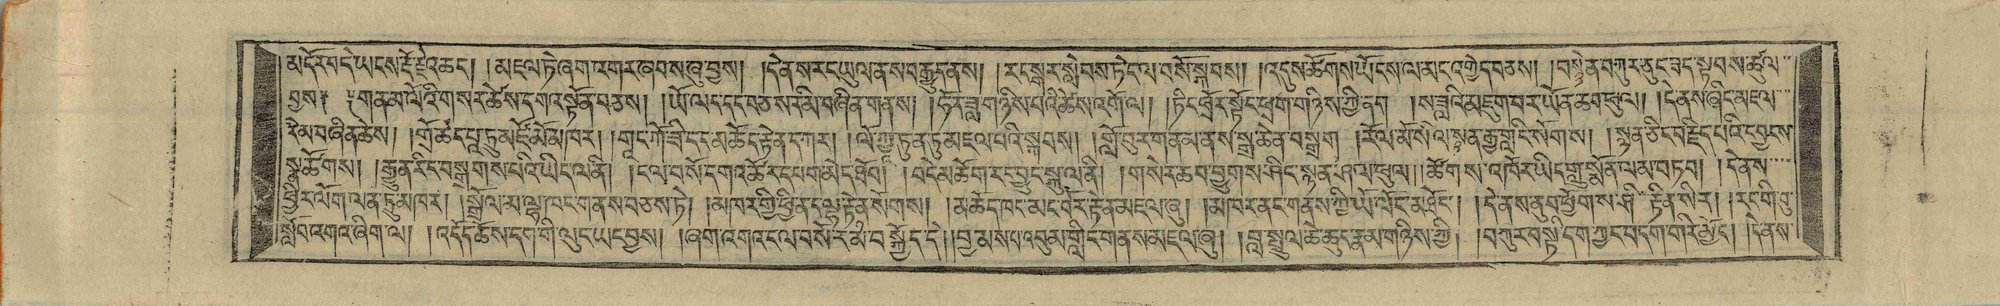མདོར་བདེ་ཡངས་རྡོ་རྗེ་འཆང་། །མཇལ་ཏེ་ཞག་འགར་ཞབས་ཞུ་བྱས། །དེ་ནས་རང་ཡུལ་ནས་བརྒྱུད་ནས། །རང་སྒར་སླེབས་ཏེ་ངལ་བསོ་སྐབས། །འདུས་ཚོགས་ཡོངས་ལ་མང་འགྱེད་བཅས། །བསྙེན་བཀུར་ཅུང་ཟད་སྟབས་ཚུལ་
བྱས༑ ༑གནམ་ལོའི་གསར་ཚེས་དགའ་སྟོན་བཅས། །ཡོ་ལང་དང་བཅས་རིམ་བཞིན་གནས། །ཧོར་ཟླ་གཉིས་པའི་ཚེས་འགོ་ལ། །ཏིང་ཕྲོར་སྟོང་ཕྲག་གཉིས་ཀྱི་ནང་། །ས་ཟླའི་མཇུག་བར་ཡོན་ཆབ་ཕུལ། །དེ་ནས་ཞིང་མཇལ་
རིམ་བཞིན་ཆེས། །གྲོ་ཚང་པཱ་ཏྲུ་མཛོ་མོ་མཁར། །གཱང་ཀོ་ཟི་དང་མཆོད་རྟེན་དཀར། །ལོ་ཀྱཱ་ཏུན་ཏུ་མཇལ་པའི་སྐབས། །གློ་བུར་གནམ་ནས་སྒྲ་ཆེན་བསྒྲག །རོལ་མོ་སིལ་སྙན་རྒྱ་གླིང་སོགས། །སྙན་ཅིང་བརྗིད་པའི་དབྱངས་
སྣ་ཚོགས། །རྒྱུན་རིང་བསྒྲགས་པའི་ཡིད་ལ་ནི། །ངལ་བསོ་དགའ་ཚོང་དཔག་མེད་ཐོབ། །བདེ་མཆོག་རང་བྱུང་སྐུ་ལ་ནི། །གསེར་ཆབ་བྱུགས་ཤིང་སྙན་ཤལ་ཕུལ། །ཚོགས་འཁོར་ཡིད་གླུ་སྨོན་ལམ་བཏབ། །དེ་ནས་
ཕྱིར་ལོག་ལན་ཏྲུ་མཁར། །སྒྲོལ་མ་ལྷ་ཁང་གནས་བཅས་ཏེ། །མཁར་གྱི་ཕྱི་ནང་ལྷ་རྟེན་སོགས། །མཆོད་ཁང་མང་པོར་རྟེན་མཇལ་ཞུ། །མཁར་ནང་གནས་ཀྱི་ཡོ་ལོང་མཐོང་། །དེ་ནས་ནུབ་ཕྱོགས་ཤི་རྟིན་སིར། །རང་གི་བུ་
སློབ་འགའ་ཞིག་ལ། །འདོད་ཆོས་དག་གི་ལུང་ཡང་བྱས། །ཞག་འགའ་ངལ་བསོ་རིམ་བསྐྱོད་དེ། །བྱམས་པ་འབུམ་གླིང་གནས་མཇལ་ཞུ། །བླ་སྤྲུལ་ཆེ་ཆུང་རྣམ་གཉིས་ཀྱི། །བཀུར་བསྟི་དག་ཀྱང་བདག་གིར་མྱོང་། །དེ་ནས་